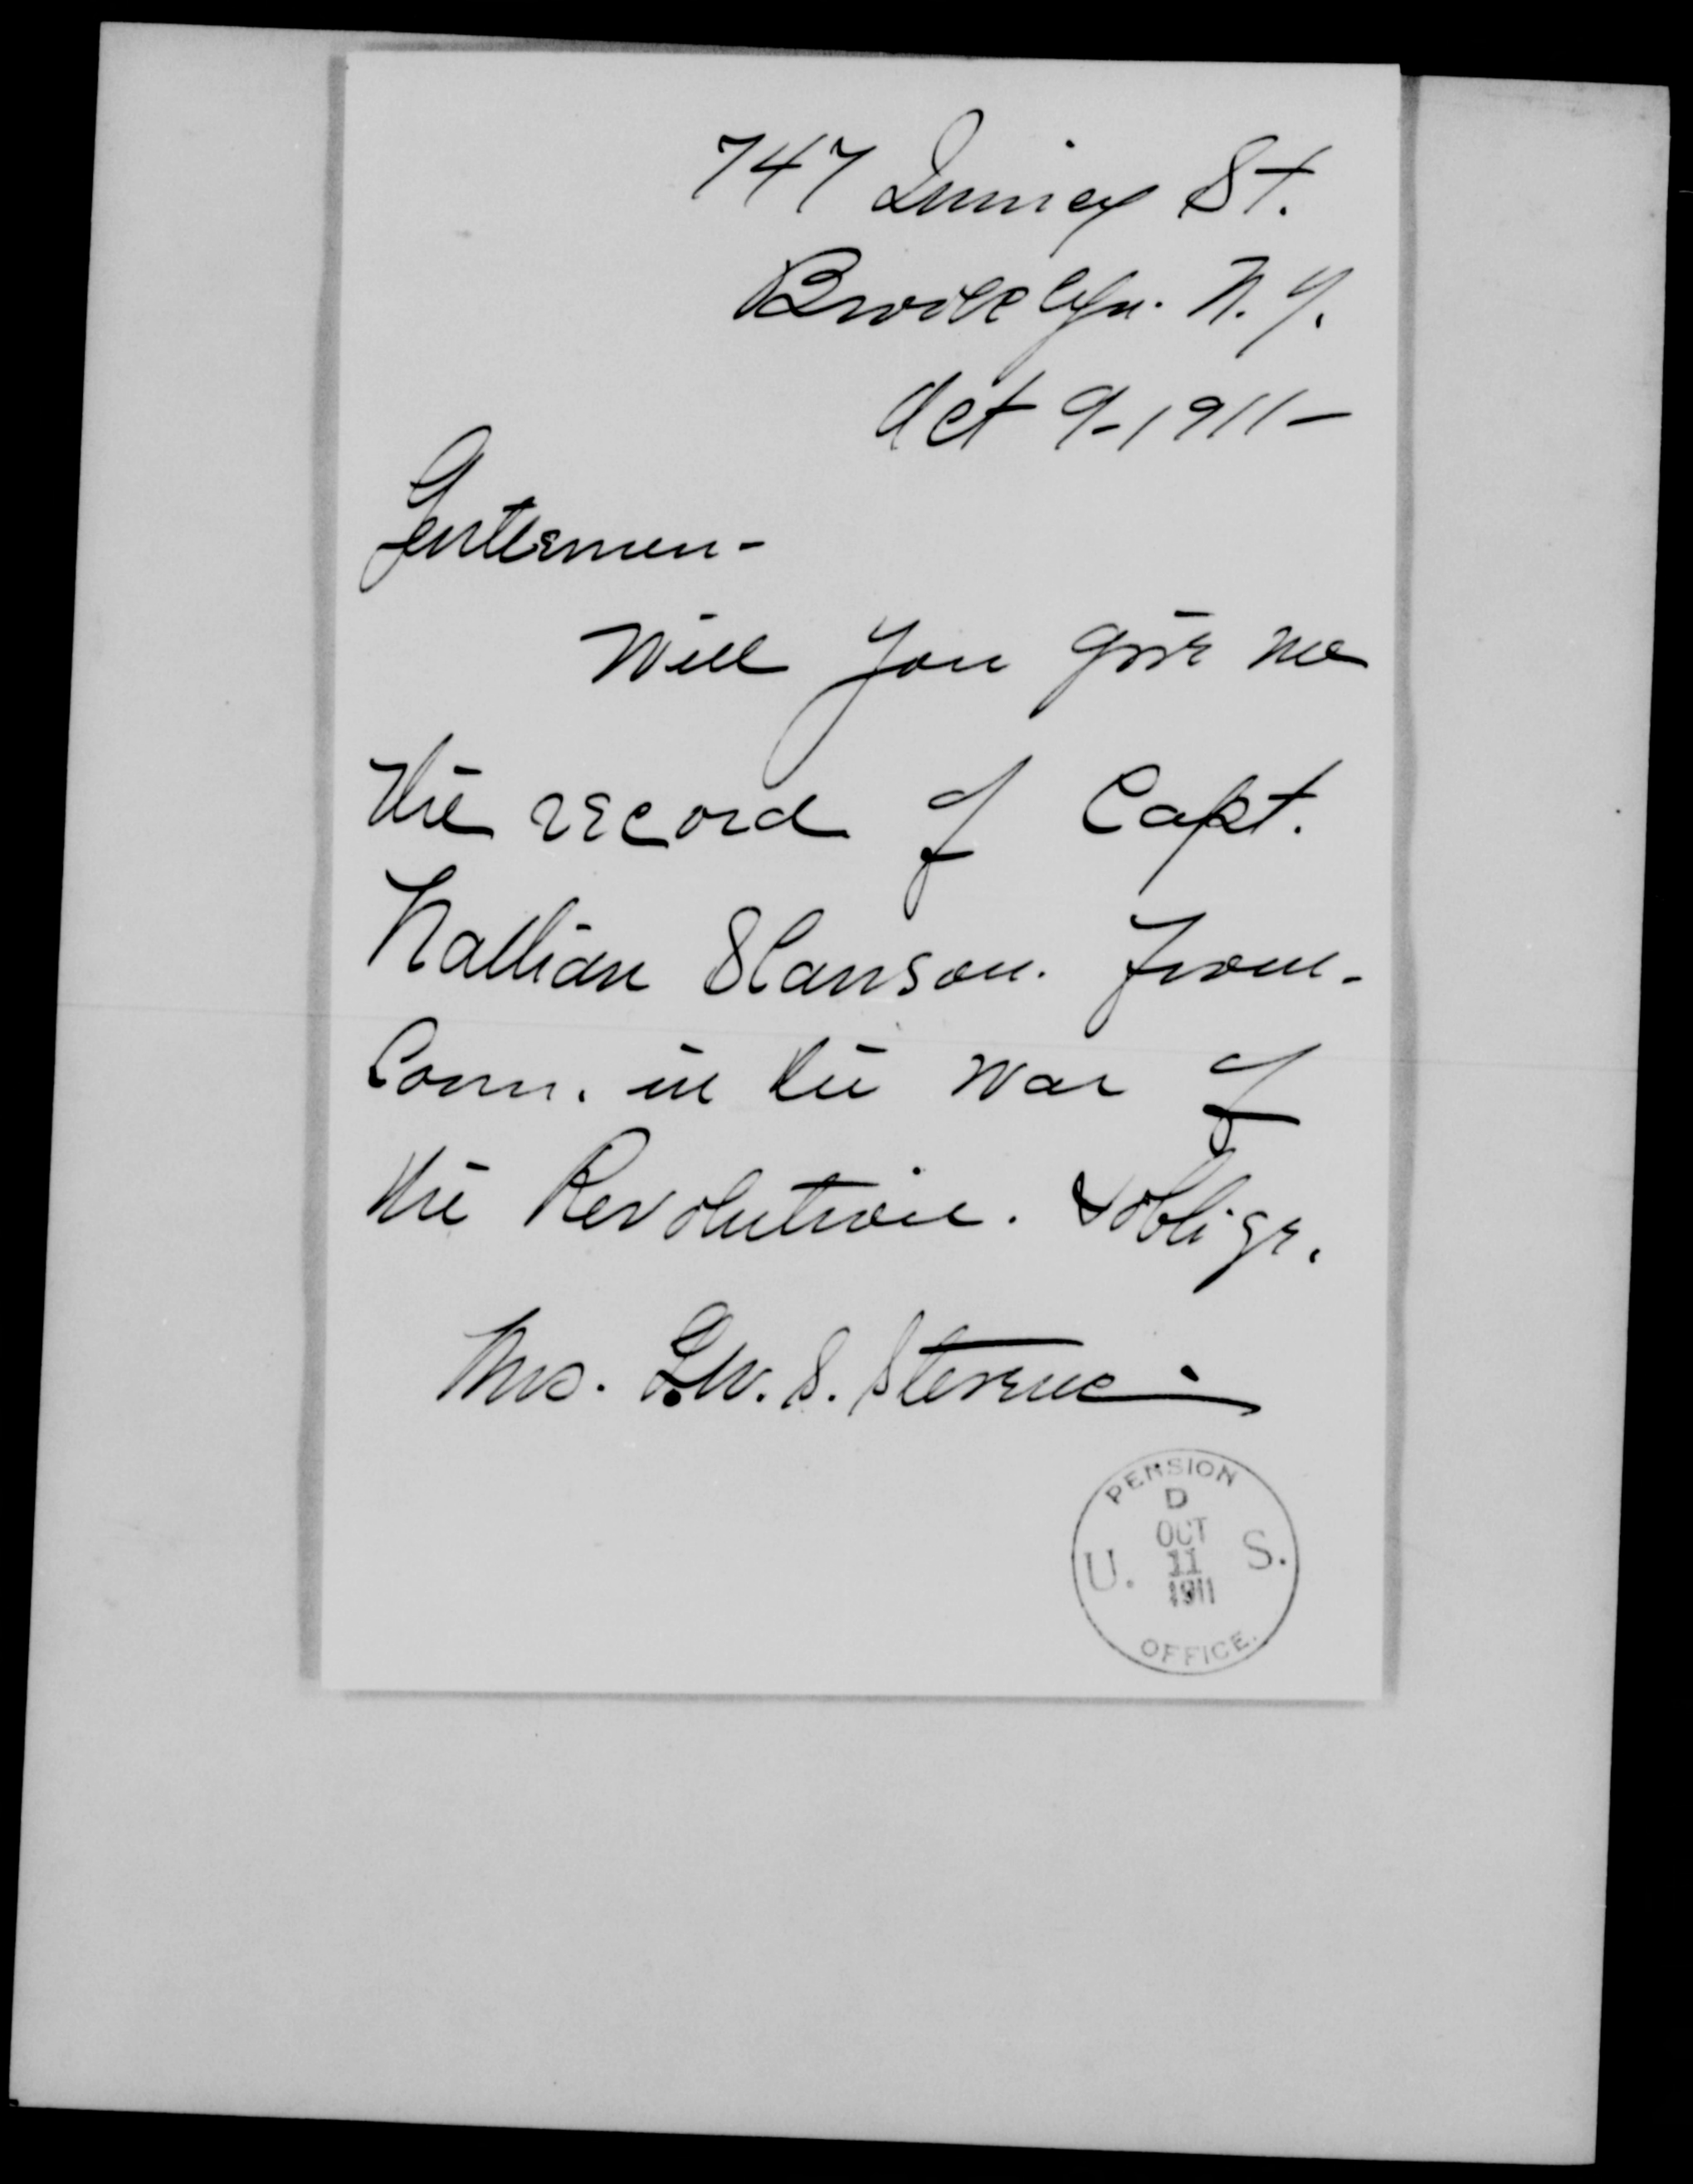747 JuIney St. 
Brooklyn. N.Y. 
Oct 9 1911
Gentlemen 
Will you give me  the record of Capt Nathan Slawson from Conn in the War of the Revolution, & oblige  
Mrs. L. W. S. Stevens 
[stamp]  U.S. PENSION OFFICE D OCT 11 1911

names: Nathan Slawson; G W S Stevens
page: 43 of 87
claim: widow's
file: W. 22,226, for Nathan Slawson, Connecticut